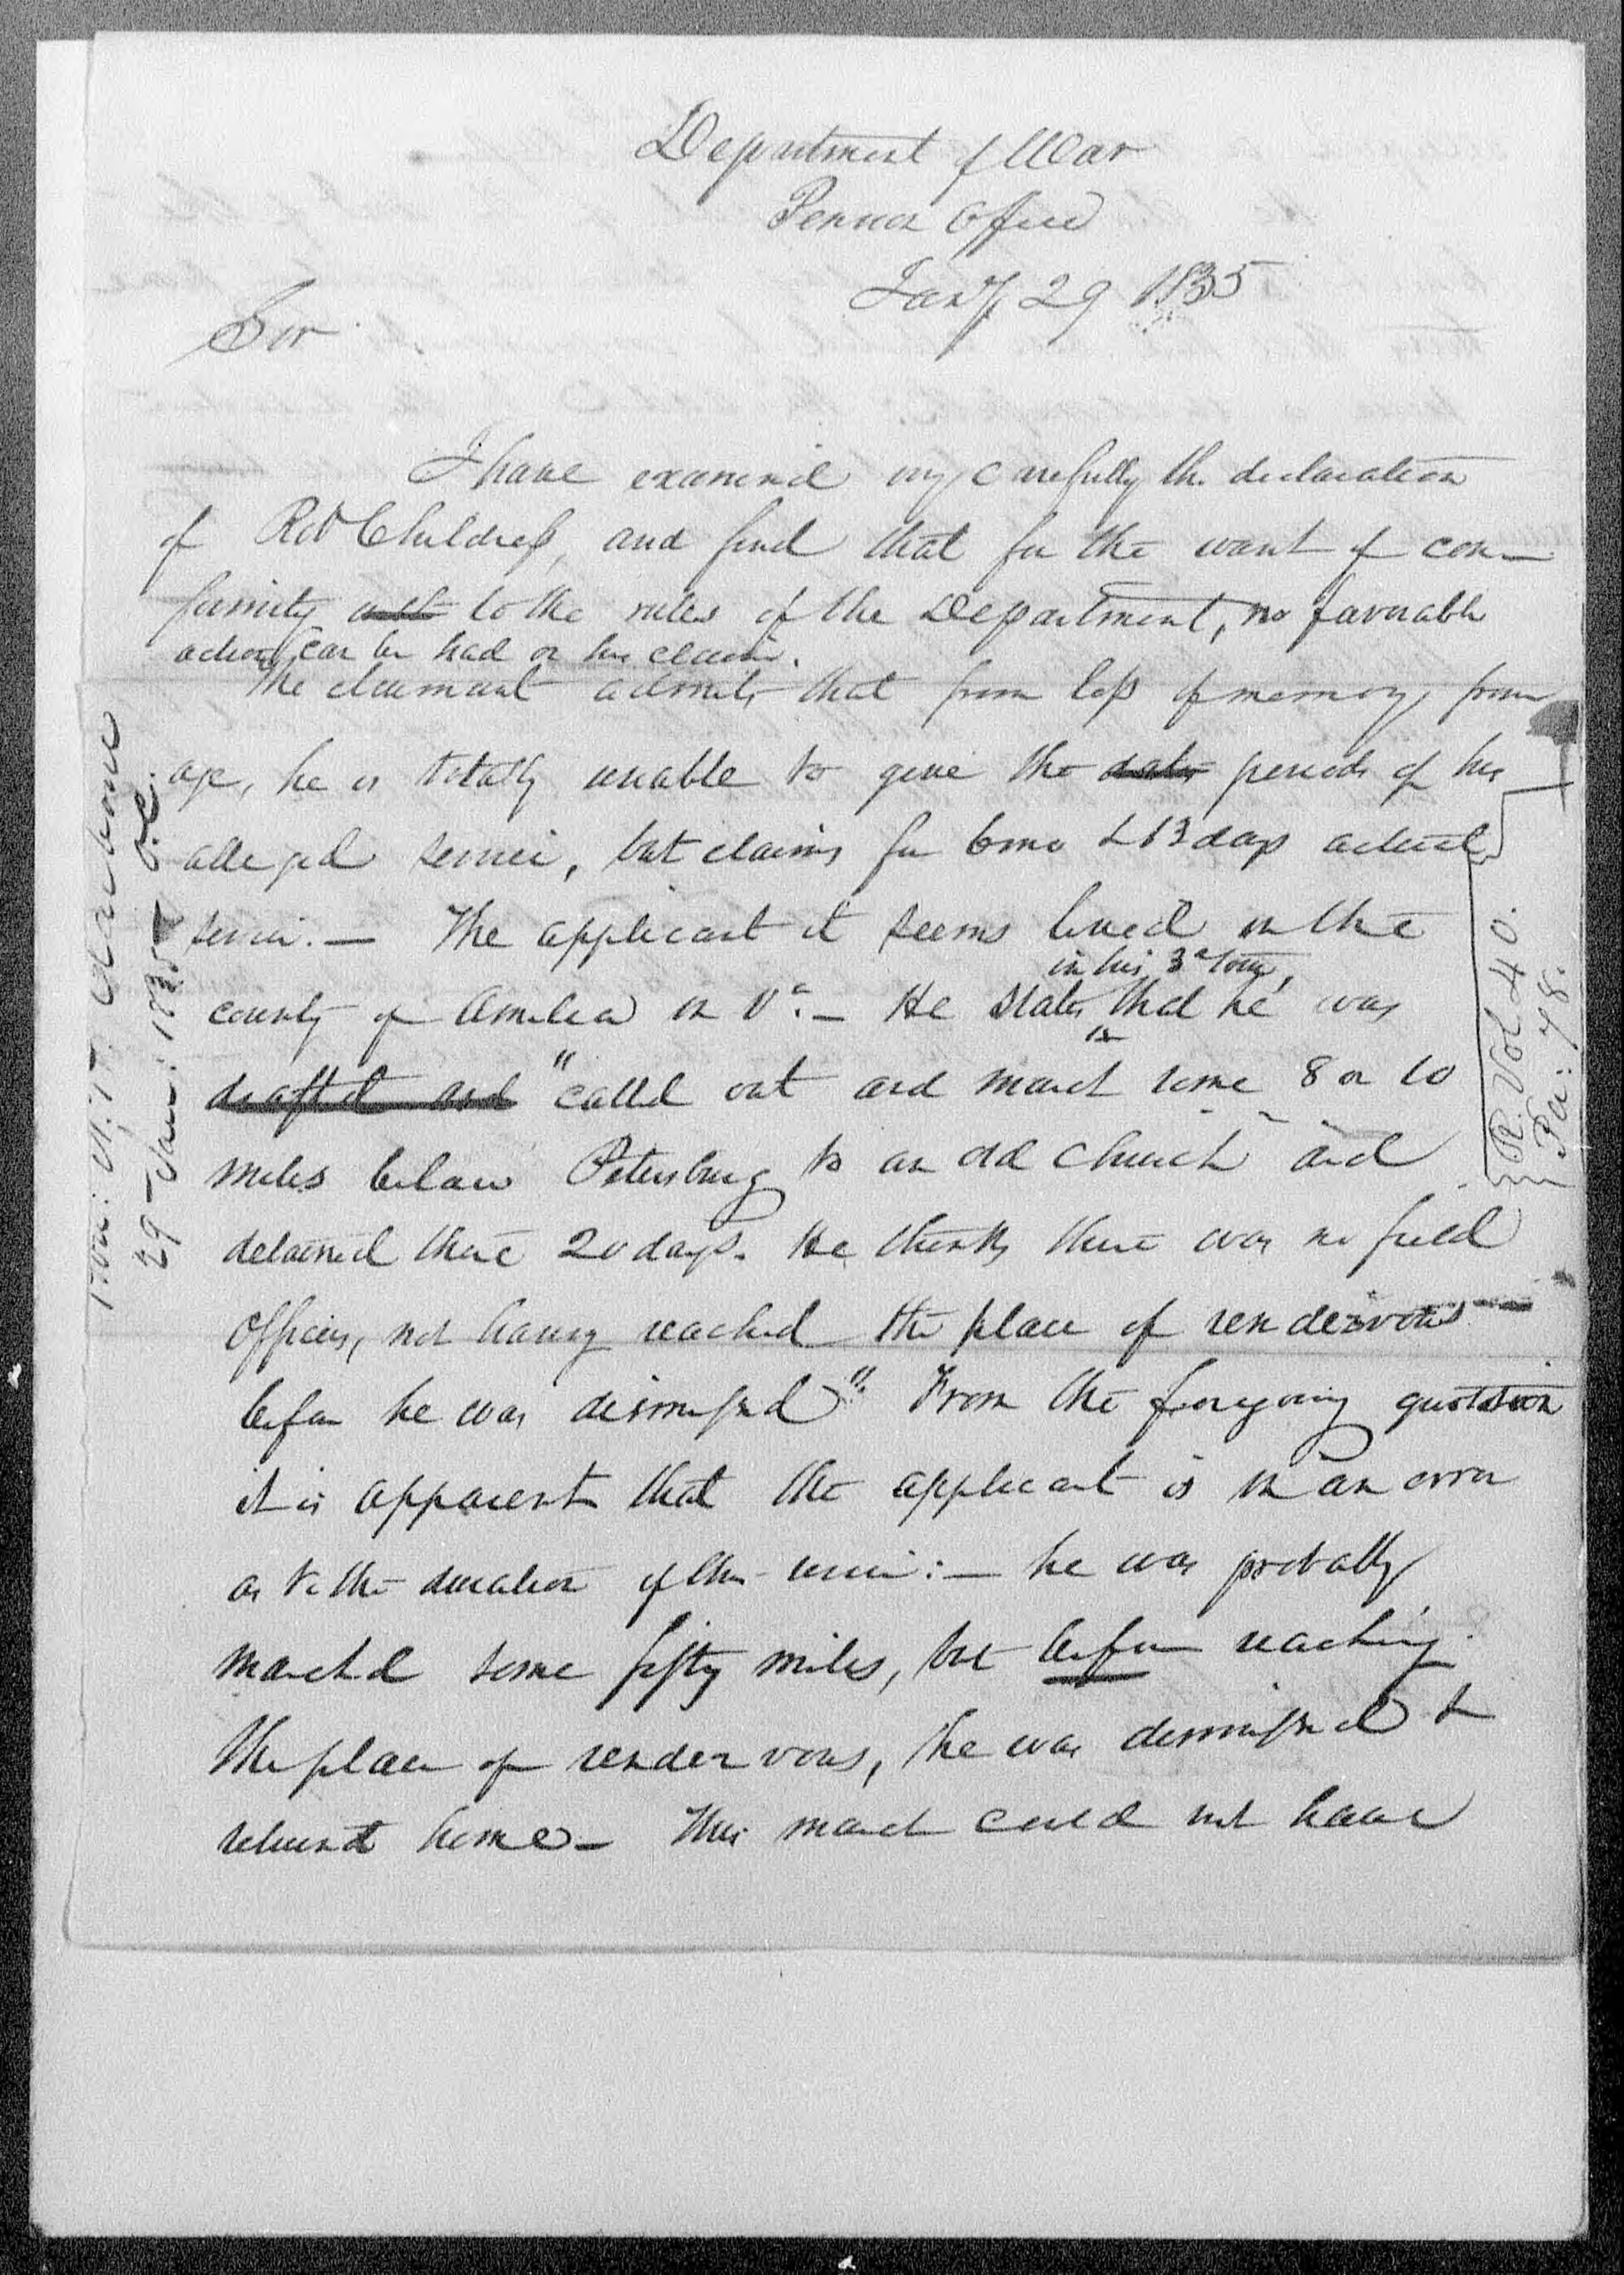Department of War
Pension Office
Jan 29 1835
Sir

I have examined very carefully the declaration
Of Rob Childress and find that for the want of conformity to the rules of the Department, no favorable [illegible] can be had on his claim.
the claimant admits that from loss of memory from age, he is totally unable to give the period of his alleged service, but claims for one & 13 days actual service- The applicant it seems lived in the
in his or County of Amelia in Va.- He states in his 3 [illegible] that he was [illegible] and “called out and march [illegible] 8 or so miles below Petersburg to an old church and declared the 20 days. He think there was no field officers, not having reached the place of [illegible] before he was dismissed from the foregoing [illegible]. it is apparent that the applicant is in an error as to the duration of the [illegible]:- he was probably marched some fifty miles, but before[underlined] reaching the place of rendezvous, he was dismissed or released home. This man could not have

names: N H Claibone, Rob Childress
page: 12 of 25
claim: rejected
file: R. 1929, Robert Childress, Va